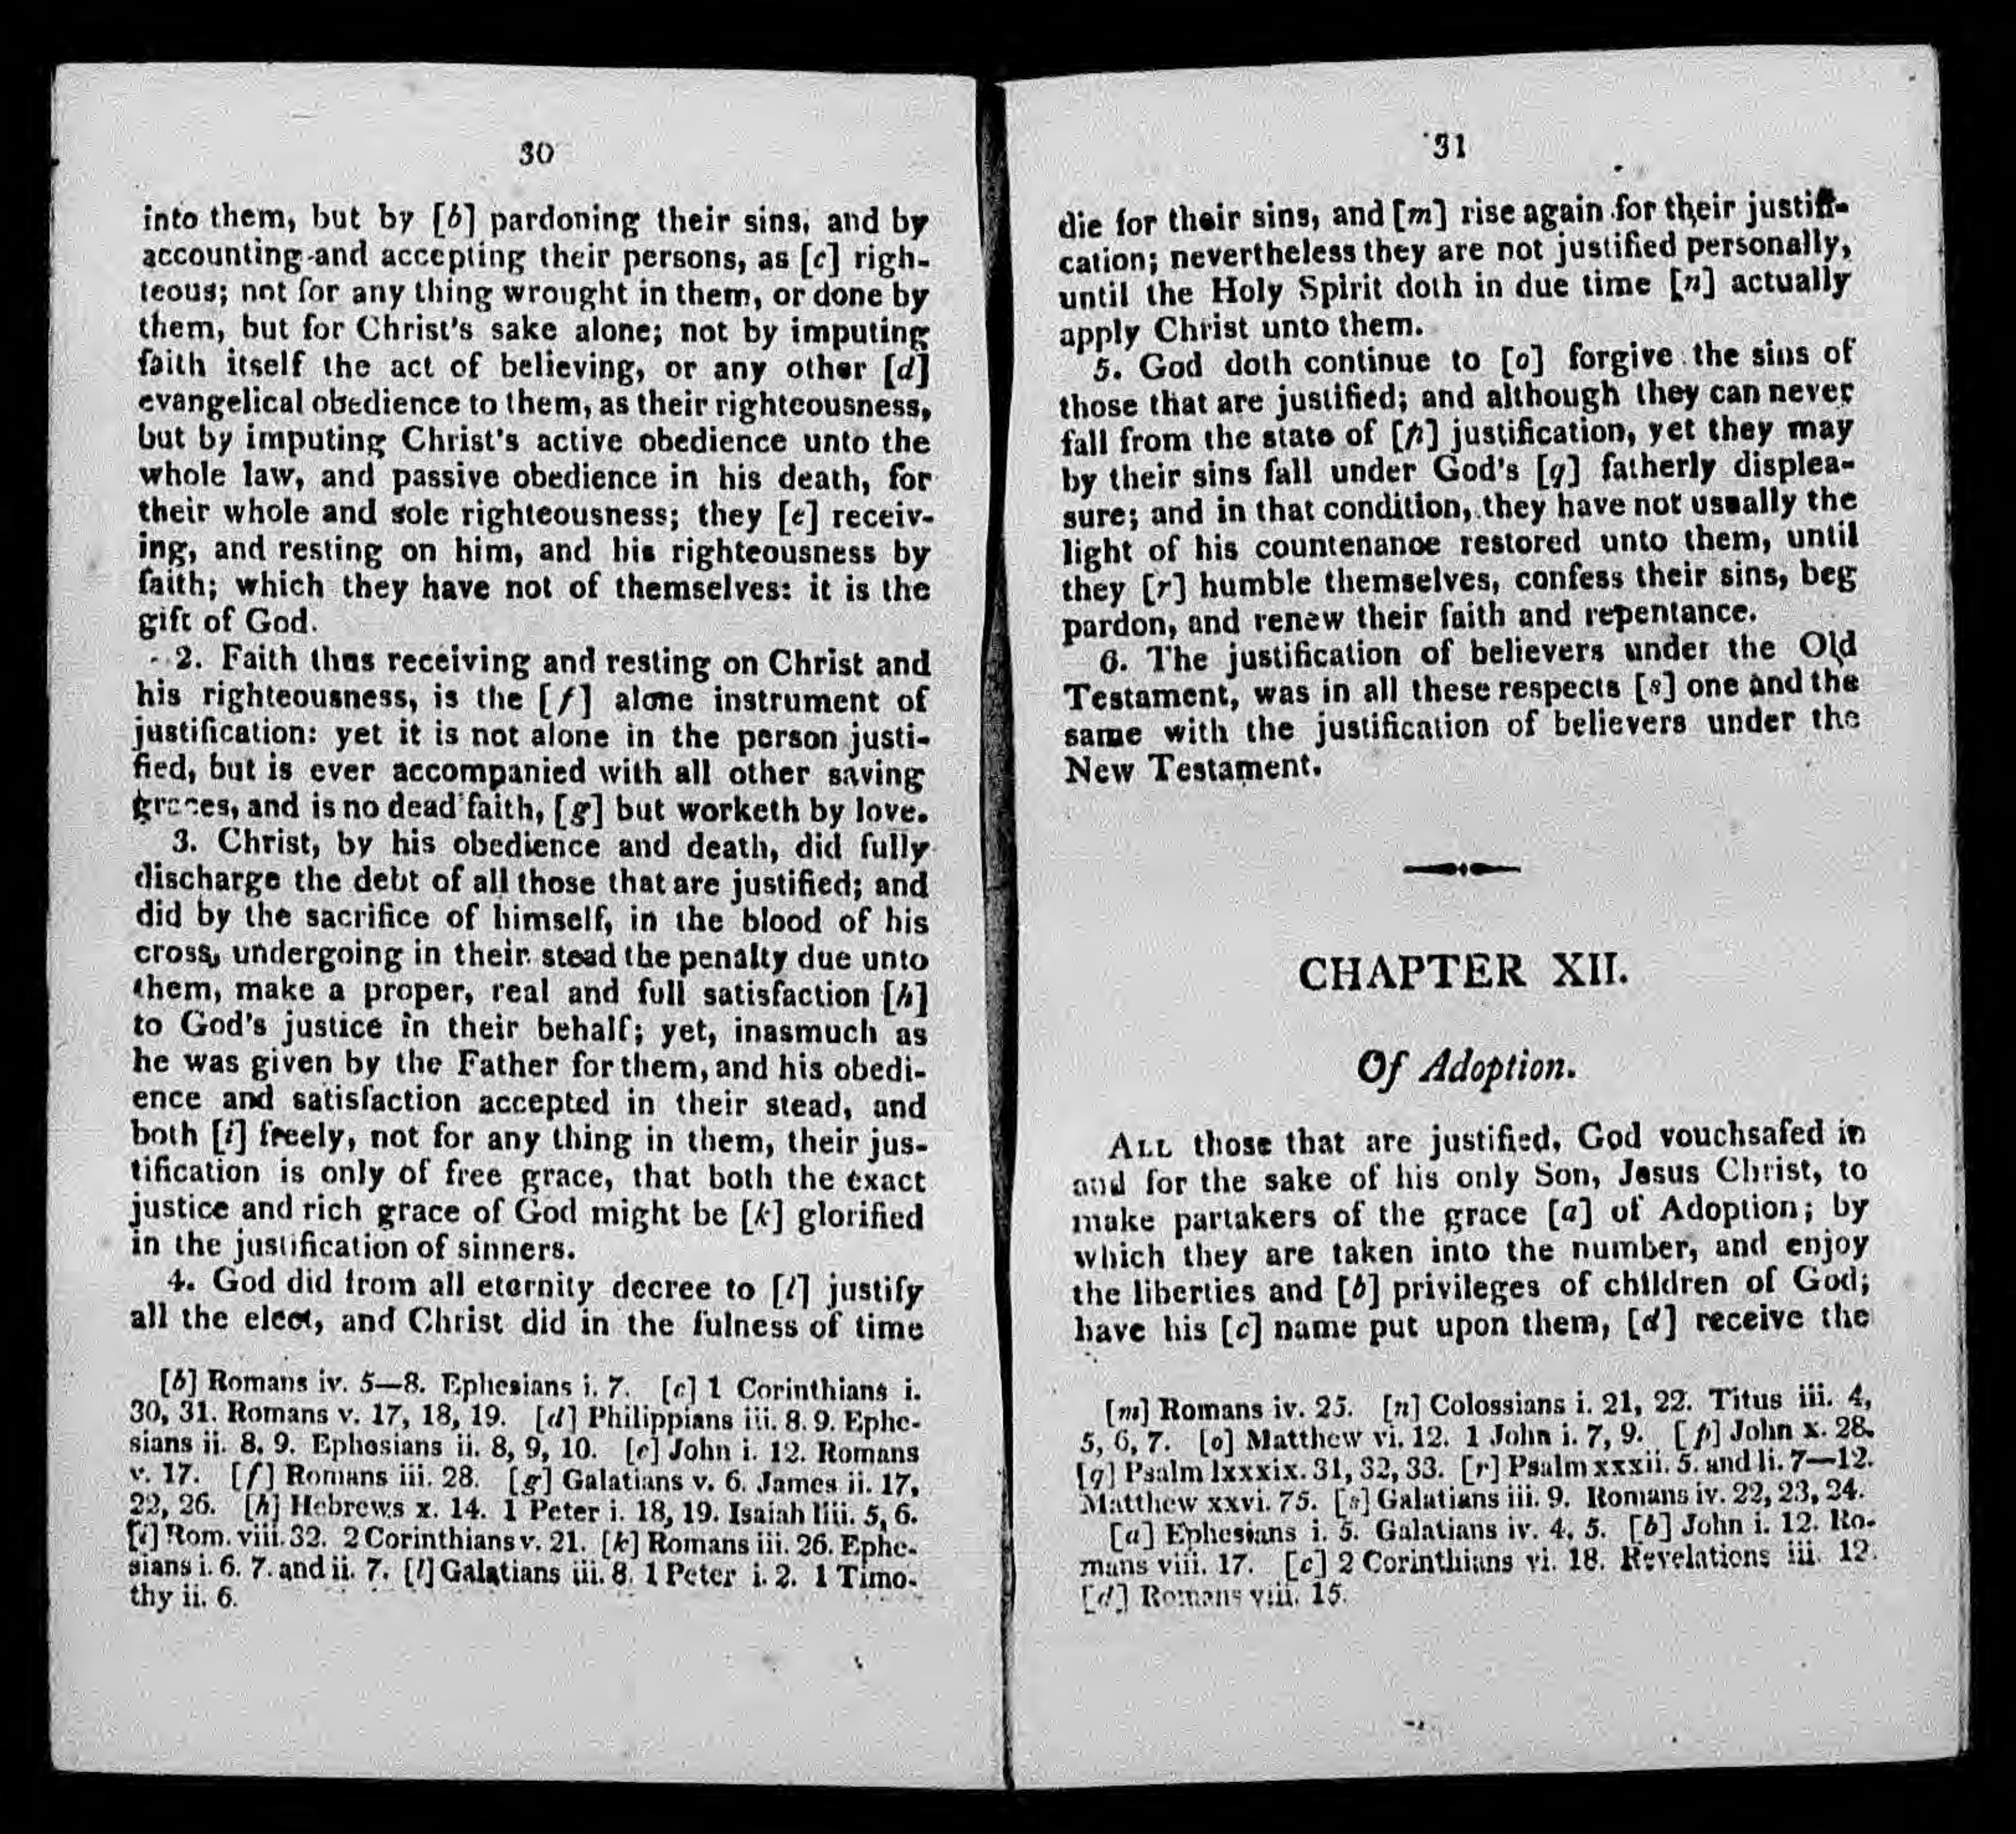30

into them, but by [b] pardoning their sins, and by accounting and accepting their persons, as [c] righteous; not for any thing wrought in them, or done by them, but for Christ's sake alone; not by imputing faith itself the act of believing, or any other [d] evangelical obedience to them, as their righteousness, but by imputing Christ's active obedience unto the whole law, and passive obedience in his death, for their whole and sole righteousness; they [e] receiving, and resting on him, and his righteousness by faith; which they have not of themselves: it is the gift of God.
2. Faith thus receiving and resting on Christ and his righteousness, is the [f] alone instrument of justification: yet it is not alone in the person justified, but it ever accompanied with all other saving graces, and is no dead faith, [g] but worketh by love.
3. Christ, by his obedience and death, did fully discharge and the debt of all those that are justified; and did by the sacrifice of himself, in the blood of his cross, undergoing in their stead the penalty due unto them, make a proper, real and full satisfaction [h] to God's justice in their behalf; yet, inasmuch as he was given by the Father for them, and his obedience and satisfaction accepted in their stead, and both [i] freely, not for any thing in them, their justification is only of free grace, that both the exact justice and rich grace of God might be [k] glorified in the justification of sinners.
4. God did from all eternity decree to [l] justify all the elect, and Christ did in the fulness of time

[b] Romans iv. 5-8. Ephesians i. 7. [c] 1 Corinthians i. 30, 31. Romans v. 17, 18, 19. [d] Philippians iii. 8, 9. Ephesians ii. 8, 9. Ephesians ii. 8, 9, 10. [e] John i. 12. Romans v. 17. [f] Romans iii. 28. [g] Galatians v. 6. James ii. 17, 22, 26. [h] Hebrews x. 14. 1 Peter i. 18, 19. Isaiah liii. 5, 6. [i] Rom. viii. 32. 2 Corinthians v. 21. [k] Romans iii. 26. Ephesians i. 6, 7. and ii. 7. [l] Galatians iii. 8. 1 Peter i. 2. 1 Timothy ii.6.

31

die for their sins, and [m] rise again for their justification; nevertheless they are not justified personally, until the Holy spirit doth in due time [n] actually apply Christ unto them.
5. God doth continue to [o] forgive the sins of those that are justified; and although they can never fall from the state of [p] justification, yet they may by their sins fall under God's [q] fatherly displeasure; and in that condition, they have not usually the light of his countenance restored unto them, until they [r] humble themselves, confess their sins, beg pardon, and renew their faith and repentance.
6. The justification of believers under the Old Testament, was in all these respects [s] one and the same with the justification of believers under the New Testament.

CHAPTER XII.

Of Adoption.

ALL those that are justified, God vouchsafed in and for the sake of his only Son, Jesus Christ, to make partakers of the grace [a] of Adoption; by which they are taken into the number, and enjoy the liberties and [b] privileges of children on God; have his [c] name put upon them, [d] receive the

[m] Romans iv. 25. [n] Colossians i. 21, 22. Titus iii. 4, 5, 6, 7. [o] Matthew vi. 12. 1 John i. 7, 9. [p] John x. 28. [q] Psalm lxxxix. 31, 32, 33. [r] Psalm xxxii. 5. and li. 7-12. Matthew xxvi. 75. [s] Galatians iii. 9. Romans iv. 22, 23, 24.
[a] Ephesians i. 5. Galatians iv. 4, 5. [b] John i. 12. Romans viii. 17. [c] 2 Corinthians vi. 18. Revelations iii. 12. [d] Romans viii. 15.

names: James, Peter, Matthew, John, Matthew, John, Titus, Isaiah, Peter, John, Timothy, John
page: 27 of 98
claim: widow's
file: W. 8398, William Broadway, S.C.